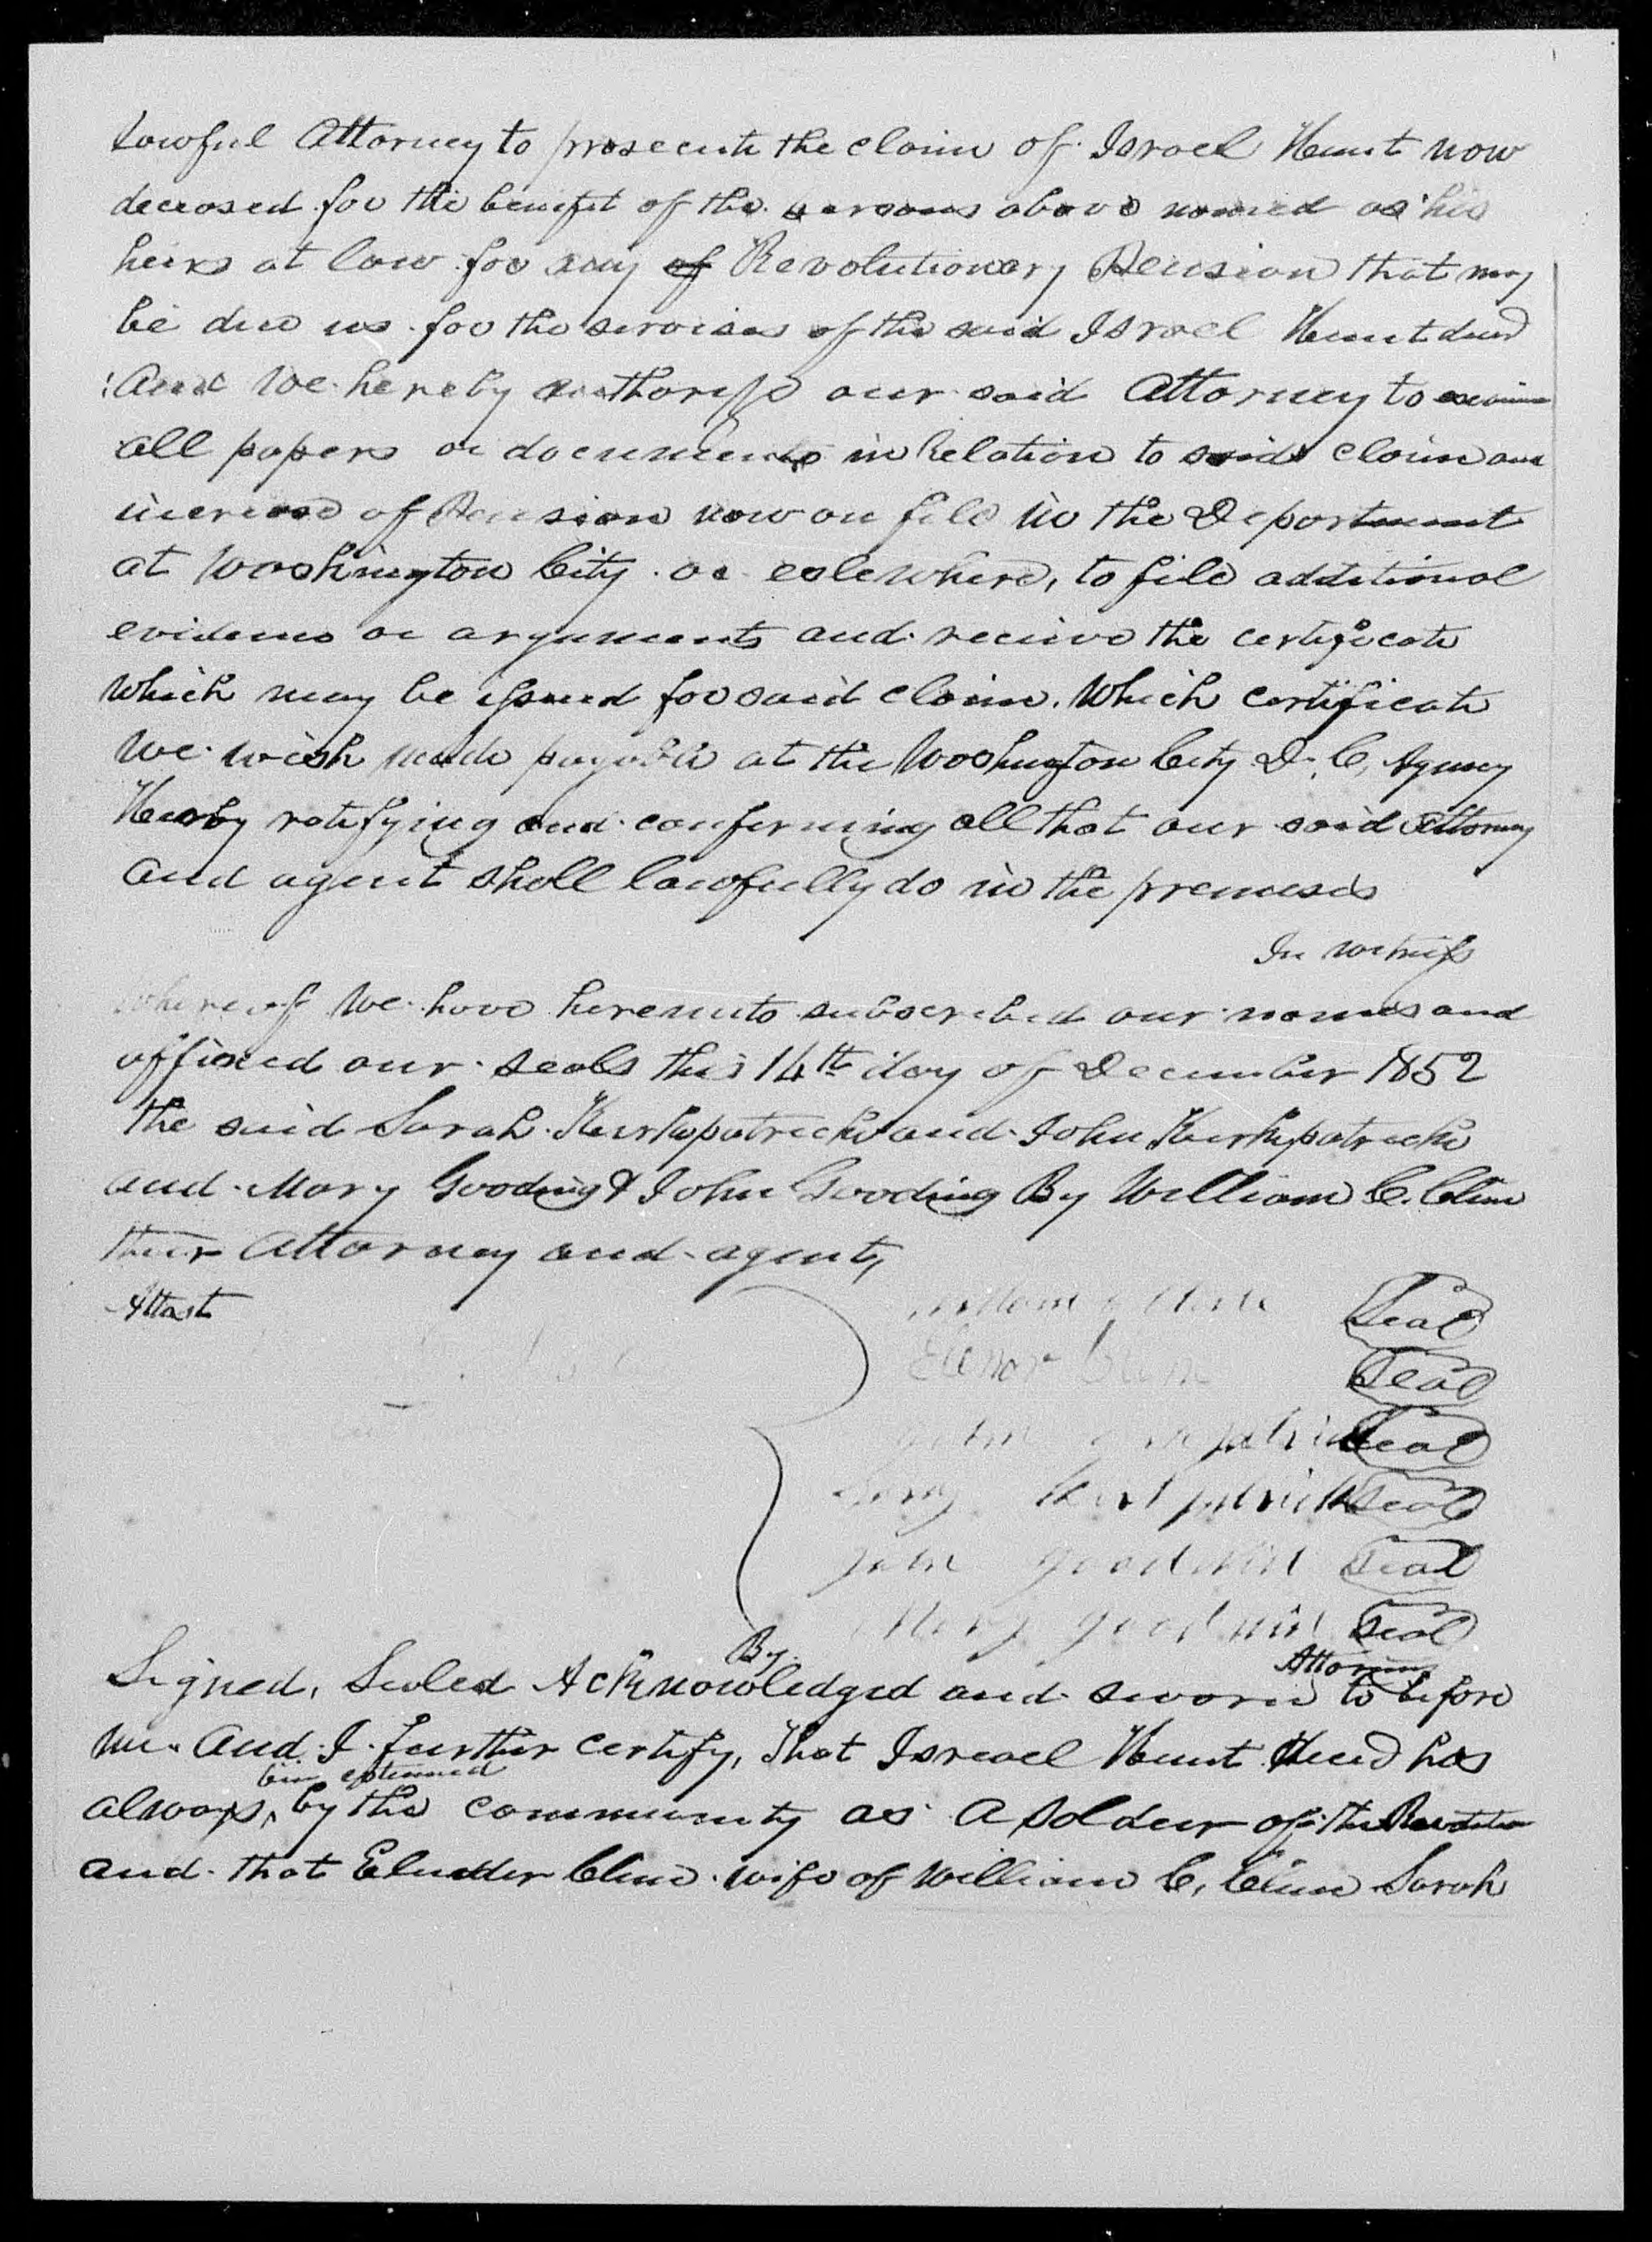lawful attorney to prosecute the claim of Israel Hunt deceased for the benefit of the survivors above named as his heirs at law for any Revolutionary Pension that may be due us for the services of the said Israel Hunt deceased.  And we hereby authorize our said Attorney to secure all papers or documents in relation to said claim and issue and of pension now on file in the Department at Washington City  or elsewhere, to file additional evidence or arguments and receive the certificate which may be issued for said claim, which certificate we wish made payable at the Washington City D.C. Agency thereby notifying and confirming all that our said attorney and agent shall lawfully do in the process.
In witness whereof we have hereunto subscribed our names and affixed our seals this 14th day of December 1852 the said Sarah Kirkpatrick and John Kirkpatrick and Mary Gooding & John Gooding by William C. Cline their attorney and agent.
Attest

William C. Cline
Elander Cline
John Kirkpatrick
Sarah Kirkpatrick
John Gooding
Mary Gooding
By attorney

Signed, Sealed Acknowledged and sworn to before me.  And I further certify that Israel Hunt deceased has always been epitomized by this community as a soldier of the Revolution and that Elander Cline wife of William C. Cline
Sarah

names: Mary Kirkpatrick; John Gooding; William C Cline; John Kirkpatrick; Israel Hunt; John Gonsalvies; Sarah Kirkpatrick; Mary Gooding; William Elliott; Elenor Clim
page: 4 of 18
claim: rejected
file: R. 5393, for Israel Hunt, New Jersey